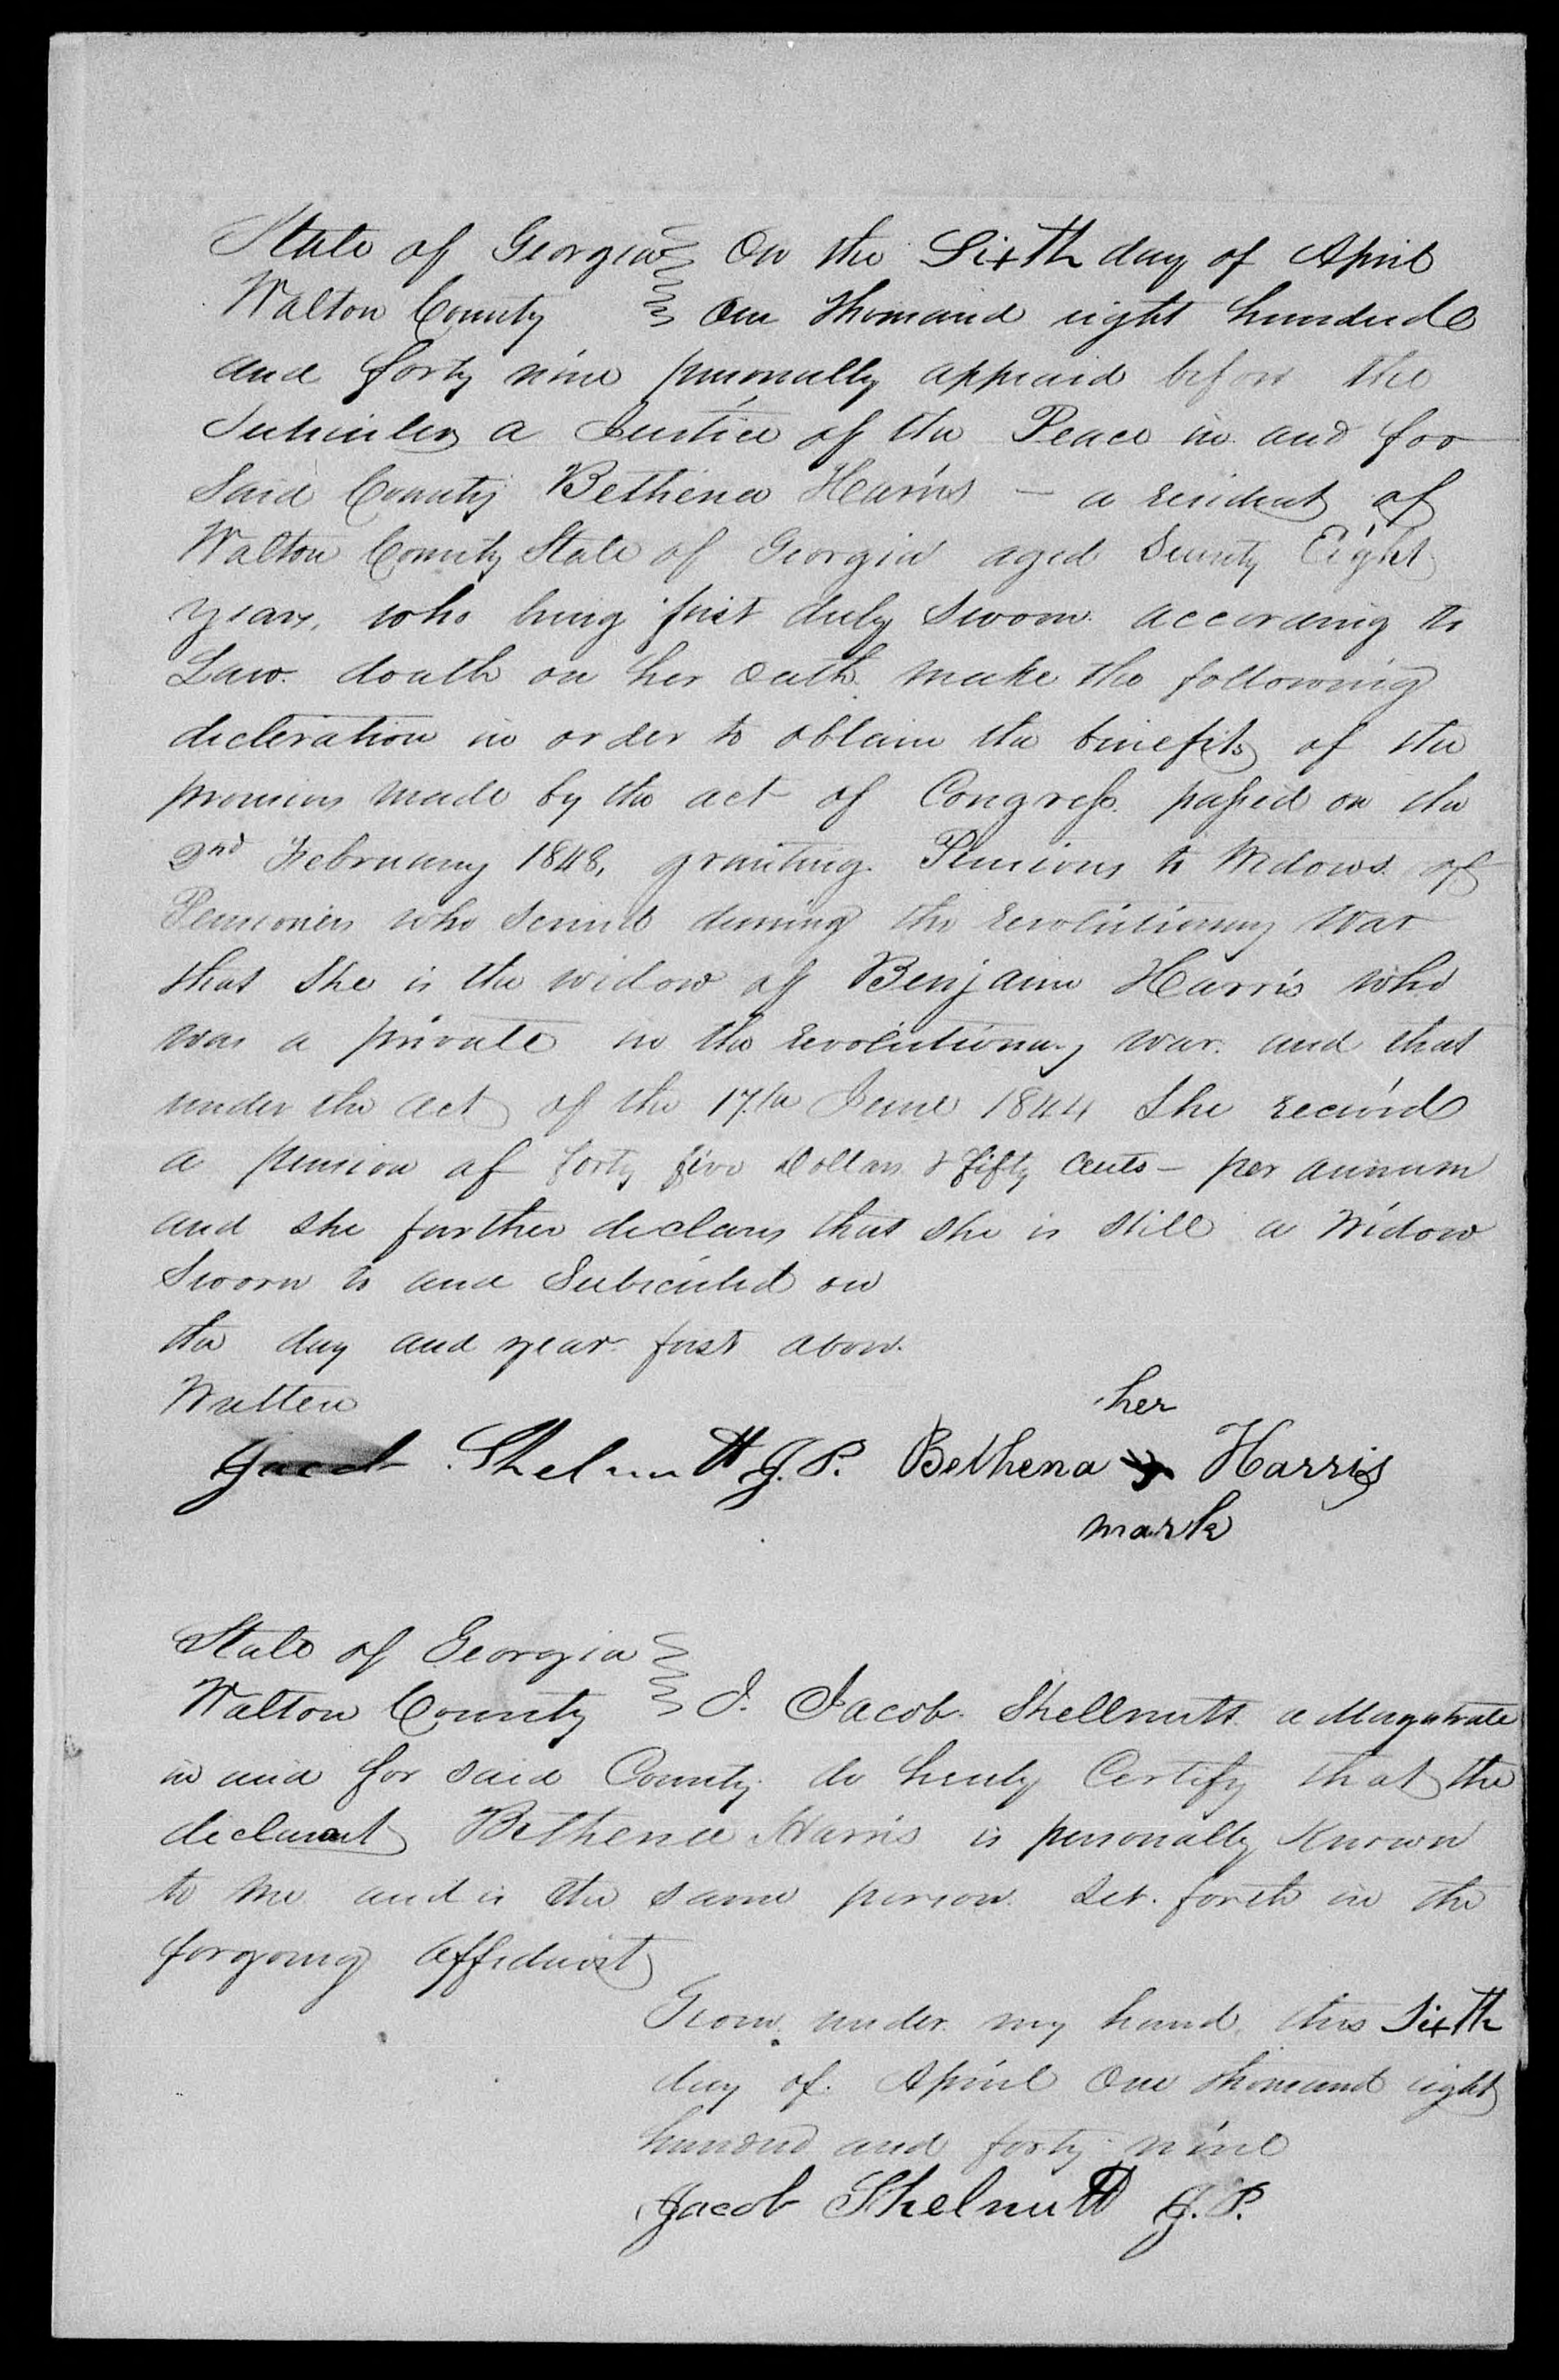State of Georgia Walton County ⎬ On the Sixth day of April , one thomand eight hundred and forty nine personally appeared before the Subscriber a Justice of the Peace in and for said County Bethena Harris a resident of Walton County State of Georgia aged Seventy Eight years, who being first duly sworn according to Law doath on her oath make the following declaration in order to obtain the benefit of the provisions made by the act of Congress passed on the 2nd February 1848, granting Pensions to Widows of Pensioners who served during the revolutionary War 

that she is the widow of Benjamin Harris who was a private in the revolutionary war, and that under the act of the 17th June 1844 she receiv'd a pension of forty five Dollars & fifty cents per annum and she further declares that she is still a widow 

Sworn to and subscribed on the day and year first above Written 
Grant Shelin H.J.P  Bethena her X mark Harris 

State of Georgia ⎬ Walton County ⎬ 
I Jacob Shellnutt a Magistrate in and for said County do hereby certify that the declarant Bethena Harris is personally known to me and is the same person set forth in the forgoing affidavit 

from under my hand this sixth day of April one thomand eight hundred and forty nine Jacob Shelnutt J.P.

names: Bethena Harris, Jacob Shelnutt, Bethena Harris, Benjami Harris, Bethena Harris, Jacob Shelnutt, Jacob Shellnutt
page: 37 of 62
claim: survivor's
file: S. 38816, Benjamin Harris, Mass.